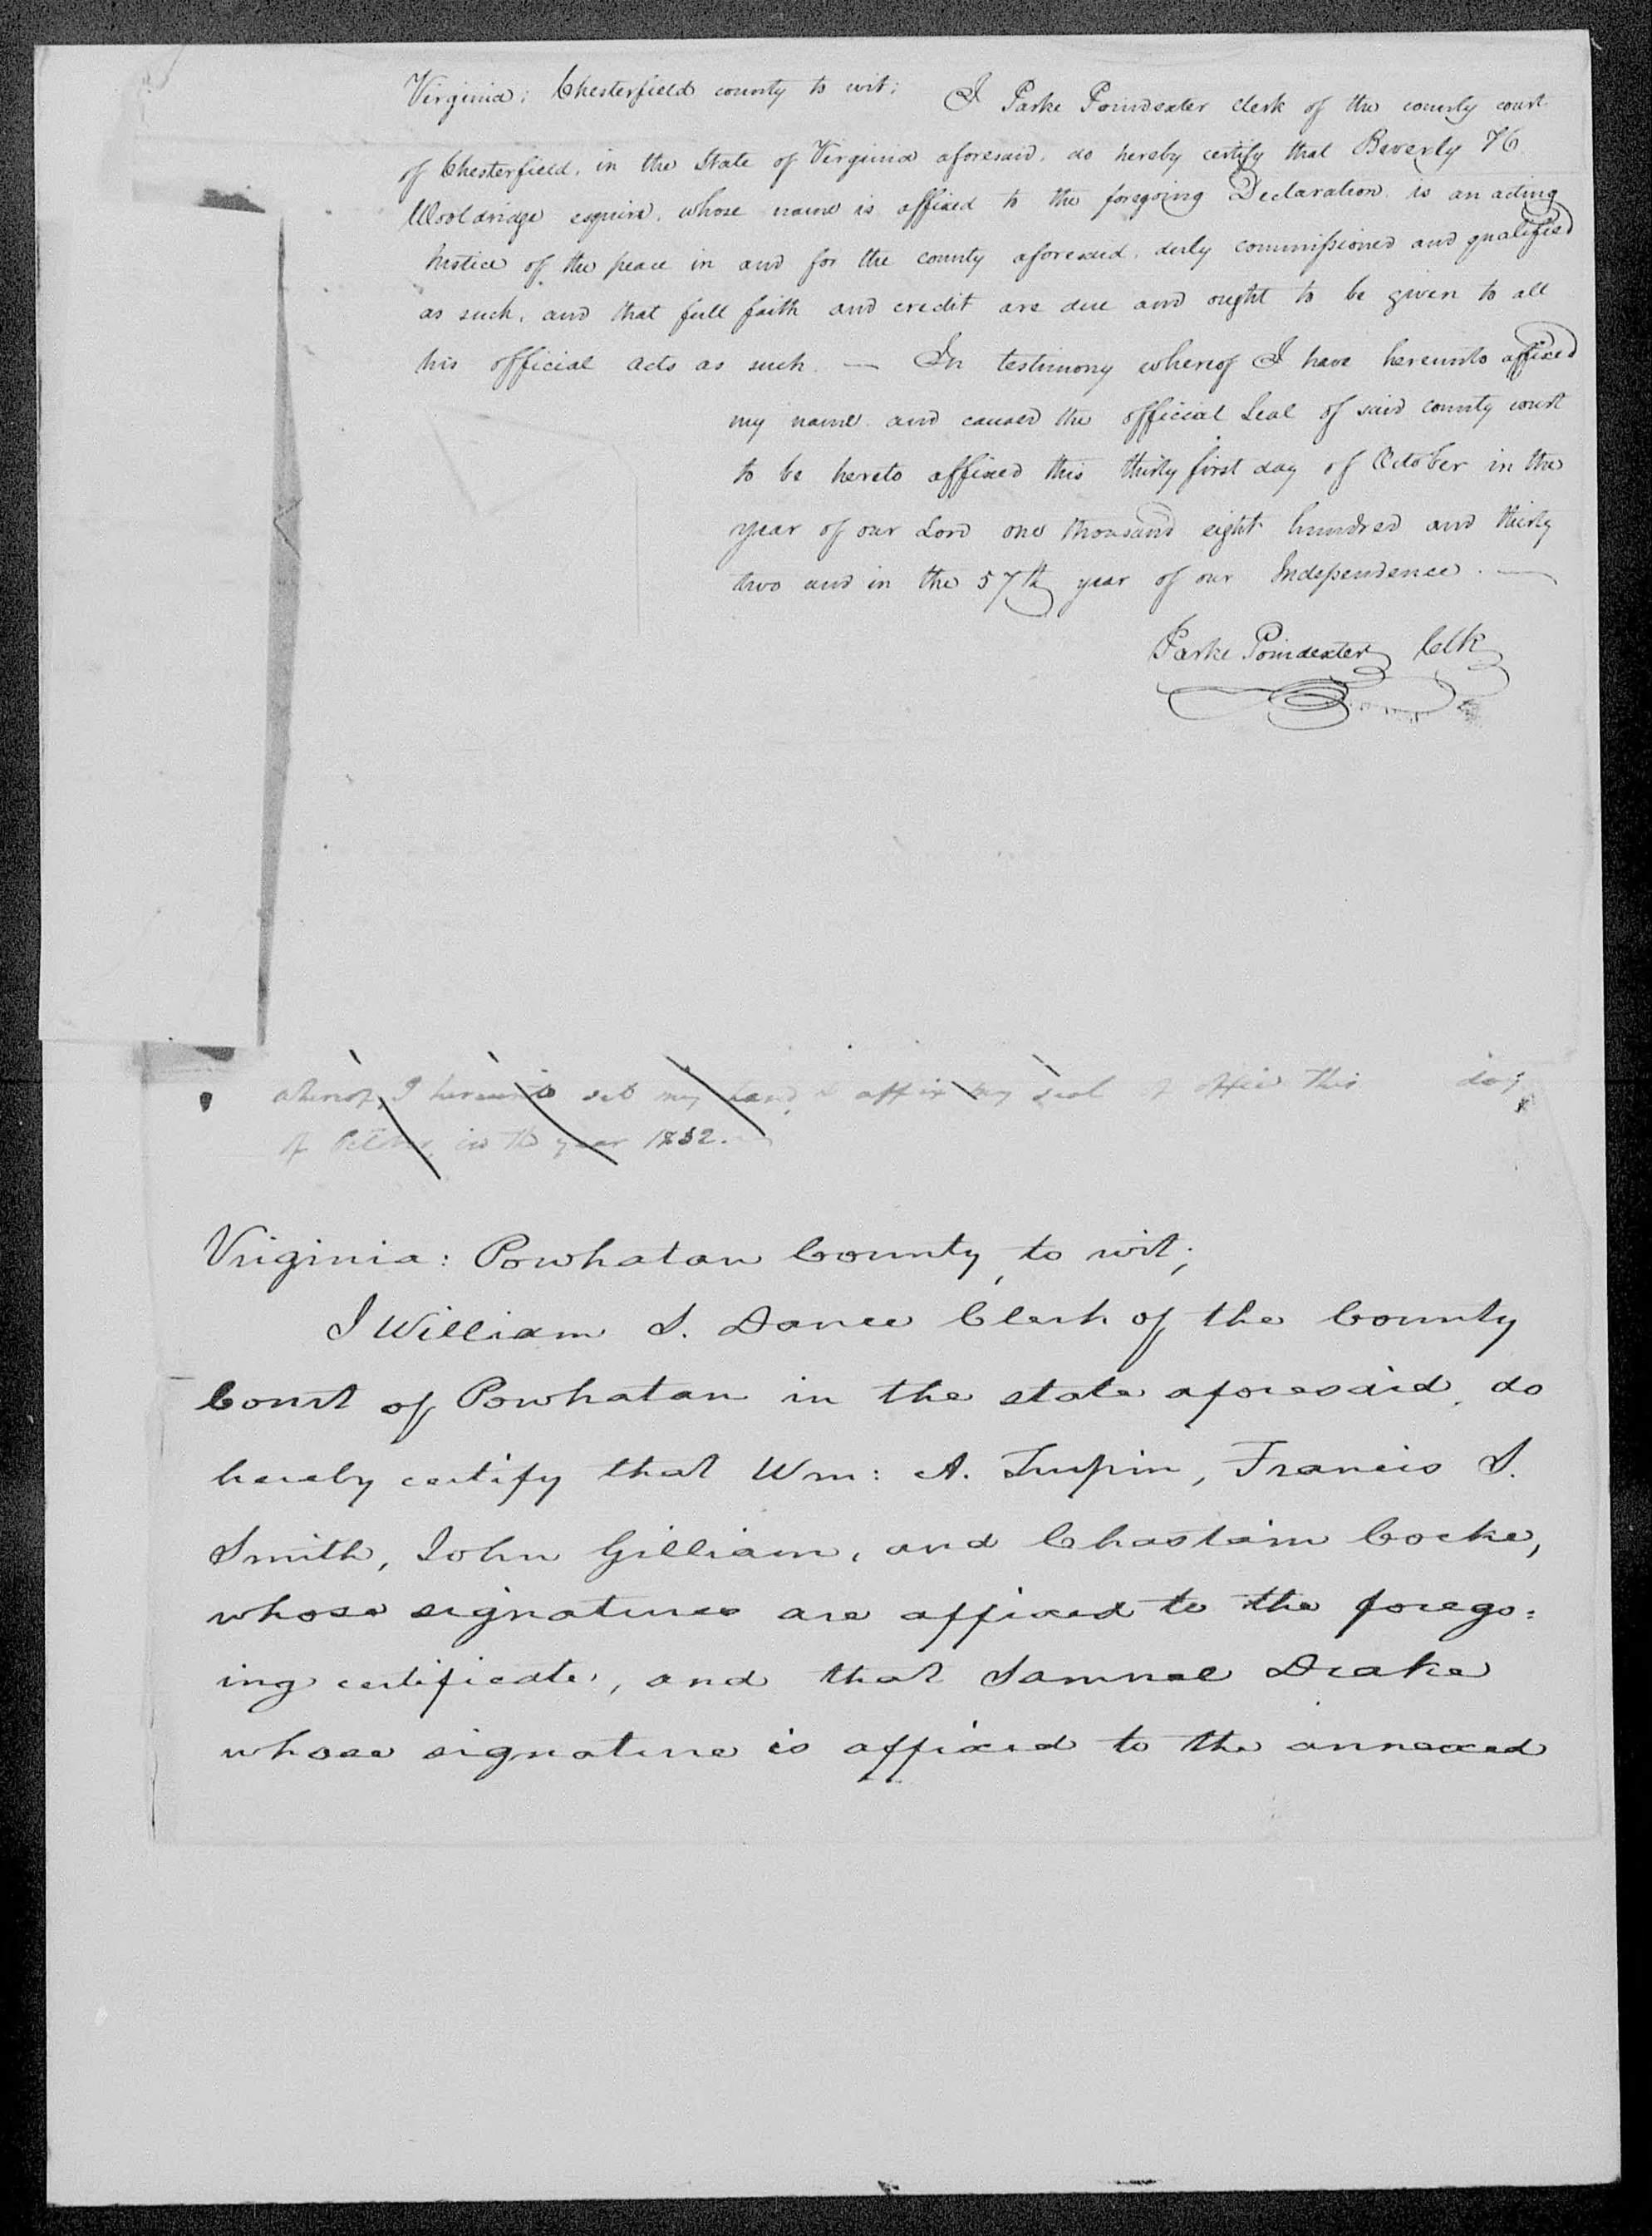Virginia, Chesterfield County to wit:
     I Parke Poindexter clerk of the county court of Chesterfield, in the State of Virginia aforesaid and surely certify that Beverly H. Wooldridge esquire whose seal is affixed to the foregoing Declaration is an acting Justice of the peace in and fore the county aforesaid duly commissioned and qualified as such, and that full faith and credit are due and ought to be given to all his official acts as much --
In testimony whereas I have herewith offered my hand and caused the official Seal of said county court to be hereto affixed the thirty first day of October in this year of our Lord one thousand eight hundred and thirty two and in the 37th year of Independence.
     Parke Poindexter

Virginia, Powhatan County to wit,
     I, William S. Davies Clerk of the County Court of Powhatan in the state aforesaid, do hereby certify that Wm. A. Turpin, Francis S. Smith, John Gilliam and Chastain Cocke, whose signatures are affixed to the foregoing certificate, and that Sam Drake whose signature is affixed to the annexed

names: Francis S Smith, Chastain Cocke, Parke Poindexter, Wm A Turpin, Beverly H Wooldridge, John Gilliam, Samuel Drake, William S Dance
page: 15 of 18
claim: survivor's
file: S. 9096, Benjamin Barnard, Va.